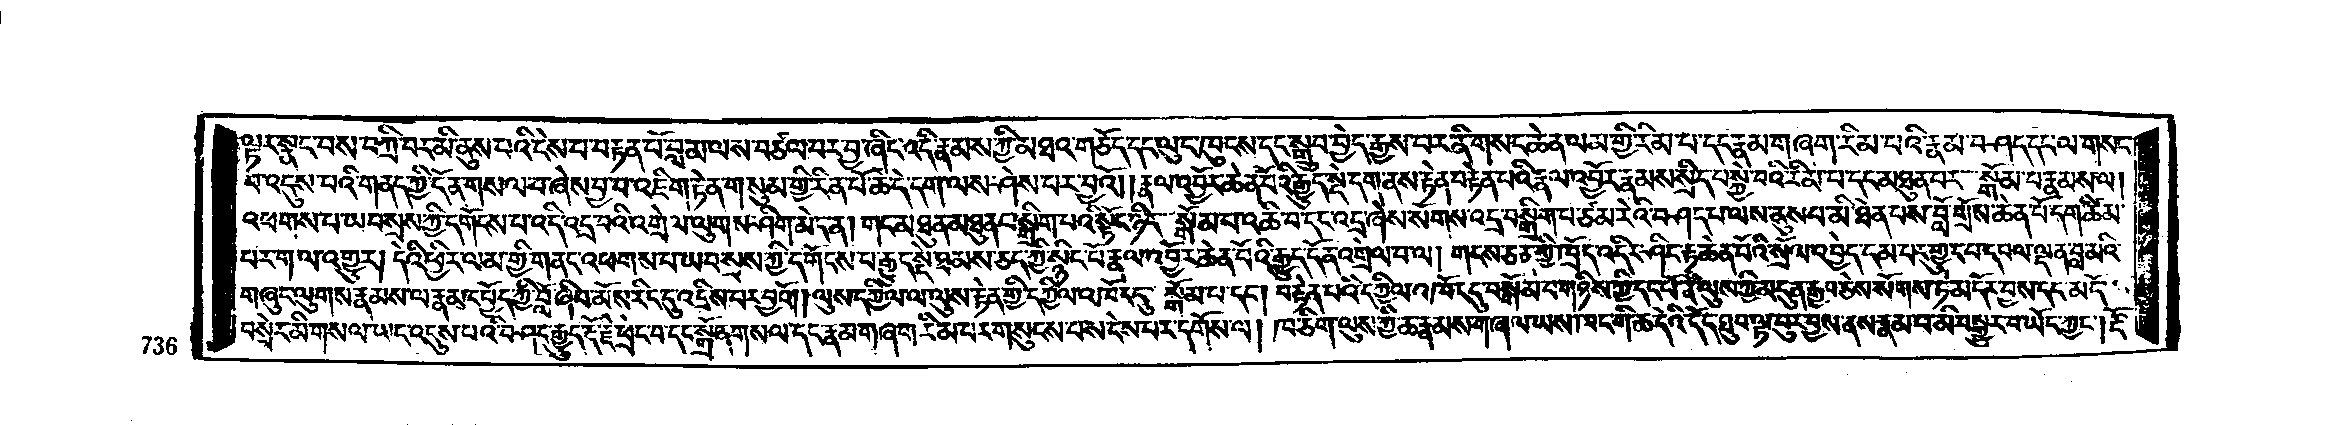ལྟར་སྣང་བས་བཀྲི་བར་མི་ནུས་པའི་ངེས་པ་བརྟན་པོ་བླ་མ་ལས་བཙལ་བར་བྱ་ཞིང་འདི་རྣམས་ཀྱི་མཐའ་གཅོད་དང་ལུང་ཁུངས་དང་སྒྲུབ་བྱེད་རྒྱས་པར་ནི་གསང་ཆེན་ལམ་གྱི་རིམ་པ་དང་རྣམ་གཞག་རིམ་པའི་རྣམ་བཤད་དཔལ་གསང་
བ་འདུས་པའི་གནད་ཀྱི་དོན་གསལ་བ་ཞེས་བྱ་བ་འཇིག་རྟེན་གསུམ་གྱི་རིན་པོ་ཆེ་དེ་དག་ལས་ཤེས་པར་བྱའོ། །རྣལ་འབྱོར་ཆེན་པོའི་རྒྱུད་སྡེ་དག་ནས་རྟེན་བརྟེན་པའི་རྣལ་འབྱོར་རྣམས་སྲིད་པ་སྐྱེ་བའི་རིམ་པ་དང་མཐུན་པར་སྒོམ་པ་རྣམས་ལ།
འཕགས་པ་ཡབ་སྲས་ཀྱི་དགོངས་པ་འདི་འདྲ་བའི་འགྲེལ་ལུགས་ཤིག་མེད་ན། གང་མཐུན་མཐུན་བསྒྲིག་པའི་སྟོང་ཉིད་སྒོམ་པ་འཆི་བ་དང་འདྲ་ཞེས་སོགས་འདྲ་བསྒྲིག་པ་ཙམ་རེའི་བཤད་པ་ལས་ནུས་པ་མི་ཐོན་པས་བློ་གྲོས་ཆེན་པོ་དག་ཚིམ་
པར་ག་ལ་འགྱུར། དེའི་ཕྱིར་ལམ་གྱི་གནད་འཕགས་པ་ཡབ་སྲས་ཀྱི་དགོངས་པ་རྒྱུད་སྡེ་ཐམས་ཅད་ཀྱི་སྙིང་པོ་རྣལ་འབྱོར་ཆེན་པོའི་རྒྱུད་དོན་འགྲེལ་པ་ལ། གངས་ཅན་གྱི་ཁྲོད་འདིར་ཤིང་རྟ་ཆེན་པོའི་སྲོལ་འབྱེད་དམ་པར་གྱུར་པ་དཔལ་ལྡན་བླ་མའི་
གཞུང་ལུགས་རྣམས་ལ་རྣམ་དཔྱོད་ཀྱི་བློ་ཞིབ་མོས་རིང་དུ་འདྲིས་པར་བྱའོ། །ལུས་དཀྱིལ་ལ་ལུས་རྟེན་གྱི་དཀྱིལ་འཁོར་དུ་སྒོམ་པ་དང་། བརྟེན་པའི་དཀྱིལ་འཁོར་དུ་བསྒོམ་པ་གཉིས་ཀྱི་དང་པོ་ནི་ལུས་ཀྱི་མདུན་རྒྱབ་ཅེས་སོགས་ཏེ་མདོར་བྱས་དང་མདོ་
བསྲེར་མི་གསལ་ཡང་འདུས་པའི་བཤད་རྒྱུད་རྡོ་རྗེ་ཕྲེང་བ་དང་སྒྲོན་གསལ་དང་རྣམ་གཞག་རིམ་པར་གསུངས་པས་ངེས་པར་དགོས་ལ། ཁ་ཅིག་ལུས་ཀྱི་ཆ་རྣམས་གཞལ་ཡས་ཁང་གི་ཆ་དེའི་དོད་ཐུབ་ལྟ་བུར་བྱས་ནས་རྣམ་པ་མི་བསྒྱུར་བ་ཡོད་ཀྱང་། རྡོ་